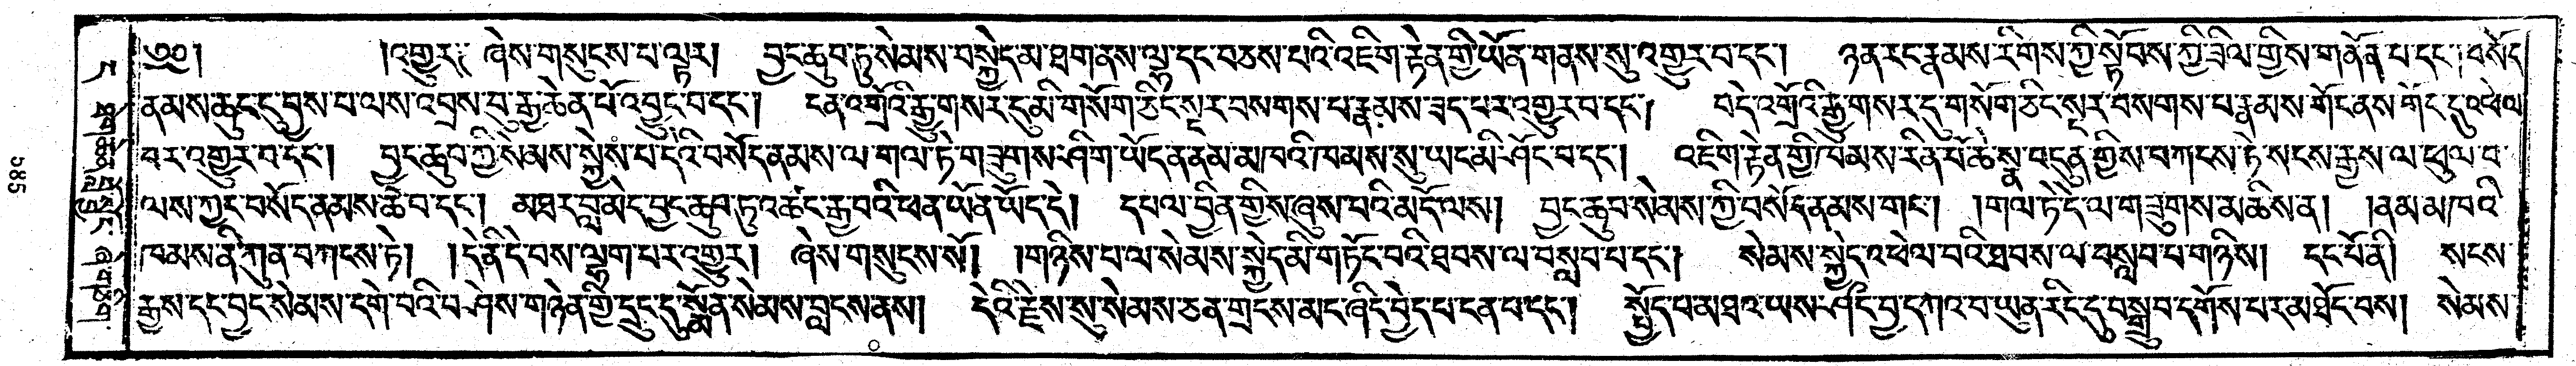༄༅། །འགྱུར༑ ཞེས་གསུངས་པ་ལྟར། བྱང་ཆུབ་ཏུ་སེམས་བསྐྱེད་མ་ཐག་ནས་ལྷ་དང་བཅས་པའི་འཇིག་རྟེན་གྱི་ཡོན་གནས་སུ་འགྱུར་བ་དང་། ཉན་རང་རྣམས་རིགས་ཀྱི་སྟོབས་ཀྱི་ཟིལ་གྱིས་གནོན་པ་དང་། བསོད་
ནམས་ཆུང་དུ་བྱས་པ་ལས་འབྲས་བུ་རྒྱ་ཆེན་པོ་འབྱུང་བ་དང་། ངན་འགྲོའི་རྒྱུ་གསར་དུ་མི་གསོག་ཅིང་སྔར་བསགས་པ་རྣམས་ཟད་པར་འགྱུར་བ་དང་། བདེ་འགྲོའི་རྒྱུ་གསར་དུ་གསོག་ཅིང་སྔར་བསགས་པ་རྣམས་གོང་ནས་གོང་དུ་འཕེལ་
བར་འགྱུར་བ་དང་། བྱང་ཆུབ་ཀྱི་སེམས་སྐྱེས་པ་དེའི་བསོད་ནམས་ལ་གལ་ཏེ་གཟུགས་ཤིག་ཡོད་ན་ནམ་མཁའི་ཁམས་སུ་ཡང་མི་ཤོང་བ་དང་། འཇིག་རྟེན་གྱི་ཁམས་རིན་པོ་ཆེ་སྣ་བདུན་གྱིས་བཀངས་ཏེ་སངས་རྒྱས་ལ་ཕུལ་བ་
ལས་ཀྱང་བསོད་ནམས་ཆེ་བ་དང་། མཐར་བླ་མེད་བྱང་ཆུབ་ཏུ་འཚང་རྒྱ་བའི་ཕན་ཡོན་ཡོད་དེ། དཔལ་བྱིན་གྱིས་ཞུས་པའི་མདོ་ལས། བྱང་ཆུབ་སེམས་ཀྱི་བསོད་ནམས་གང་། །གལ་ཏེ་དེ་ལ་གཟུགས་མཆིས་ན། །ནམ་མཁའི་
ཁམས་ནི་ཀུན་བཀངས་ཏེ། །དེ་ནི་དེ་བས་ལྷག་པར་འགྱུར། ཞེས་གསུངས་སོ། །གཉིས་པ་ལ་སེམས་སྐྱེད་མི་གཏོང་བའི་ཐབས་ལ་བསླབ་པ་དང་། སེམས་སྐྱེད་འཕེལ་བའི་ཐབས་ལ་བསླབ་པ་གཉིས། དང་པོ་ནི། སངས་
རྒྱས་དང་བྱང་སེམས་དགེ་བའི་བཤེས་གཉེན་གྱི་དྲུང་དུ་སྨོན་སེམས་བླངས་ནས། དེའི་རྗེས་སུ་སེམས་ཅན་གྲངས་མང་ཞིང་བྱེད་པ་ངན་པ་དང་། སྤྱོད་པ་མཐའ་ཡས་ཤིང་བྱ་དཀའ་བ་ཡུན་རིང་དུ་བསྒྲུབ་དགོས་པར་མཐོང་བས། སེམས་